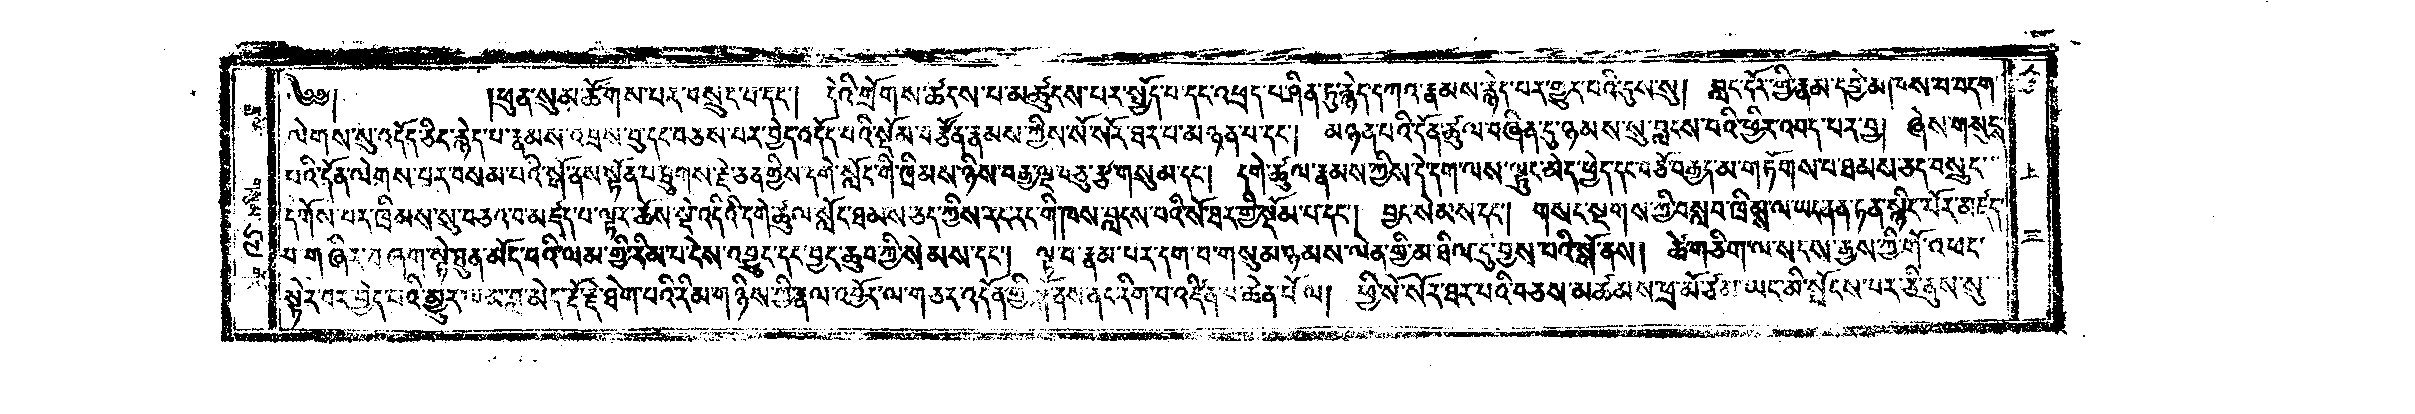༄༅། །ཕུན་སུམ་ཚོགས་པར་བསྲུང་བ་དང་། དེའི་གྲོགས་ཚངས་པ་མཚུངས་པར་སྤྱོད་པ་དང་འཕྲད་པ་ཤིན་ཏུ་རྙེད་དཀའ་རྣམས་རྙེད་པར་གྱུར་པའི་དུས་སུ། བླང་དོར་གྱི་རྣམ་དབྱེ་མཁས་པ་བདག་
ལེགས་སུ་འདོད་ཅིང་རྙེད་པ་རྣམས་འབྲས་བུ་དང་བཅས་པར་བྱེད་འདོད་པའི་སྡོམ་བརྩོན་རྣམས་ཀྱིས་སོ་སོར་ཐར་པ་མཉན་པ་དང་། མཉན་པའི་དོན་ཚུལ་བཞིན་དུ་ཉམས་སུ་བླངས་པའི་ཕྱིར་འབད་པར་བྱ། ཞེས་གསུངས་
པའི་དོན་ལེགས་པར་བསམ་པའི་སྒོ་ནས་སྟོན་པ་ཐུགས་རྗེ་ཅན་གྱིས་དགེ་སློང་གི་ཁྲིམས་ཉིས་བརྒྱ་ལྔ་བཅུ་རྩ་གསུམ་དང་། དགེ་ཚུལ་རྣམས་ཀྱིས་དེ་དག་ལས་ལྟུང་མེད་ཕྱེད་དང་བཅོ་བརྒྱད་མ་གཏོགས་པ་ཐམས་ཅད་བསྲུང་
དགོས་པར་ཁྲིམས་སུ་བཅའ་བ་མཛད་པ་ལྟར་ཆོས་སྡེ་འདིའི་དགེ་ཚུལ་སློང་ཐམས་ཅད་ཀྱིས་རང་རང་གི་ཁས་བླངས་པའི་སོ་ཐར་གྱི་སྡོམ་པ་དང་། བྱང་སེམས་དང་། གསང་སྔགས་ཀྱི་བསླབ་ཁྲིམས་ལ་ཡང་ནན་ཏན་སྙིང་པོར་མཛད།
པ་གཞིར་བཞག་སྟེ་ཐུན་མོང་བའི་ལམ་གྱི་རིམ་པ་ངེས་འབྱུང་དང་བྱང་ཆུབ་ཀྱི་སེམས་དང་། ལྟ་བ་རྣམ་པར་དག་པ་གསུམ་ཉམས་ལེན་གྱི་མཐིལ་དུ་བྱས་པའི་སྒོ་ནས། ཚེ་གཅིག་ལ་སངས་རྒྱས་ཀྱི་གོ་འཕང་
སྟེར་བར་བྱེད་པའི་མྱུར་ལམ་བླ་མེད་རྡོ་རྗེ་ཐེག་པའི་རིམ་གཉིས་ཀྱི་རྣལ་འབྱོར་ལ་གཅར་འདོན་གྱི་སྒོ་ནས་ནང་རིག་པ་འཛིན་པ་ཆེན་པོ་ལ། ཕྱི་སོ་སོར་ཐར་པའི་བཅས་མཚམས་ཕྲ་མོ་ཙམ་ཡང་མི་སྤོངས་པར་ཅི་ནུས་སུ་